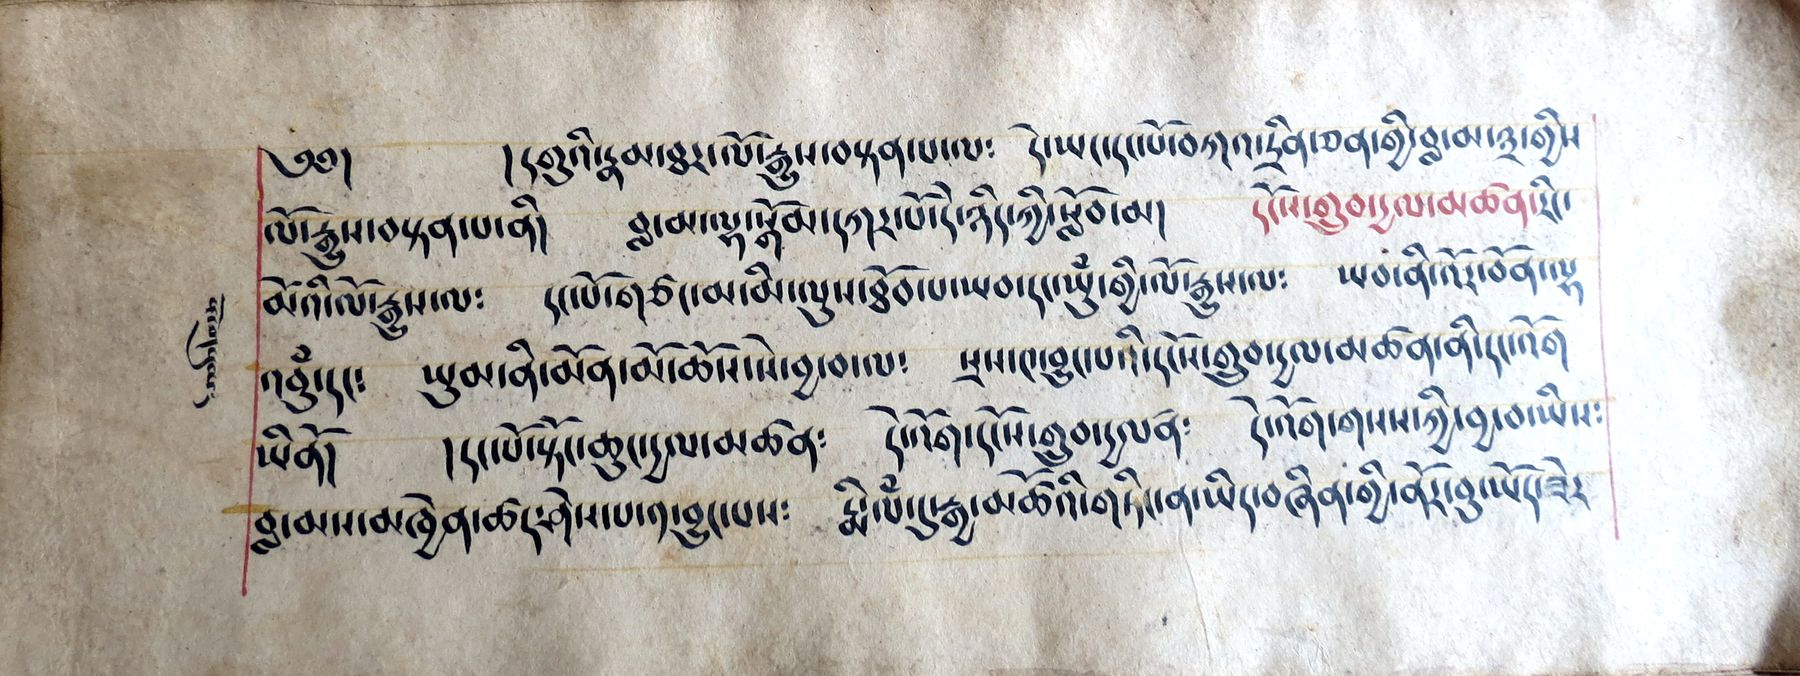དགུའི་རྣམ་ཐར་ལོ་རྒྱུས་བསྟན་པ་ལ། དེ་ཡང་དང་པོ་བཀའ་དྲིན་ཅན་གྱི་བླ་མ་གསུམ་གྱི་
ལོ་རྒྱུས་བསྟན་པ་ནི། བླ་མ་ལྷ་སྒོམ་དཀར་པོ་དེ་ཉིད་ཀྱི་སློབ་མ། དངོས་གྲུབ་རྒྱལ་མཚན་རིང་
མོའི་ལོ་རྒྱུས་ལ། དང་པོ་གཙང་མ་མི་ལུས་ཐོབ་པ་ཡབ་དང་ཡུམ་གྱི་ལོ་རྒྱུས་ནི། ཡབ་ནི་འོར་བོན་ལྷ་
འབུམ་དང་། ཡུམ་ནི་མོན་མོ་ཆོས་སེ་བྱ་བ་ལ་སྲས་བཞི་བྱུང་བའི། དངོས་གྲུབ་རྒྱལ་མཚན་ནི། དང་འོག་
ཡིན་ནོ། །དང་པོ་སྟོན་ཆུང་རྒྱལ་མཚན། དེ་འོག་དངོས་གྲུབ་རྒྱལ་མཚན། དེ་འོག་གསས་ཀྱི་བྱ་བ་ཡིས། 
བླ་མས་མཁྱེན་ཚད་ཤེས་པ་ཞིག་བྱུང་པས། རྨི་ལམ་དུ་རྒྱ་མཚོའི་གཏིང་ན་ཡིད་བཞིན་གྱི་ནོར་བུ་ཡོད་ཟེར་